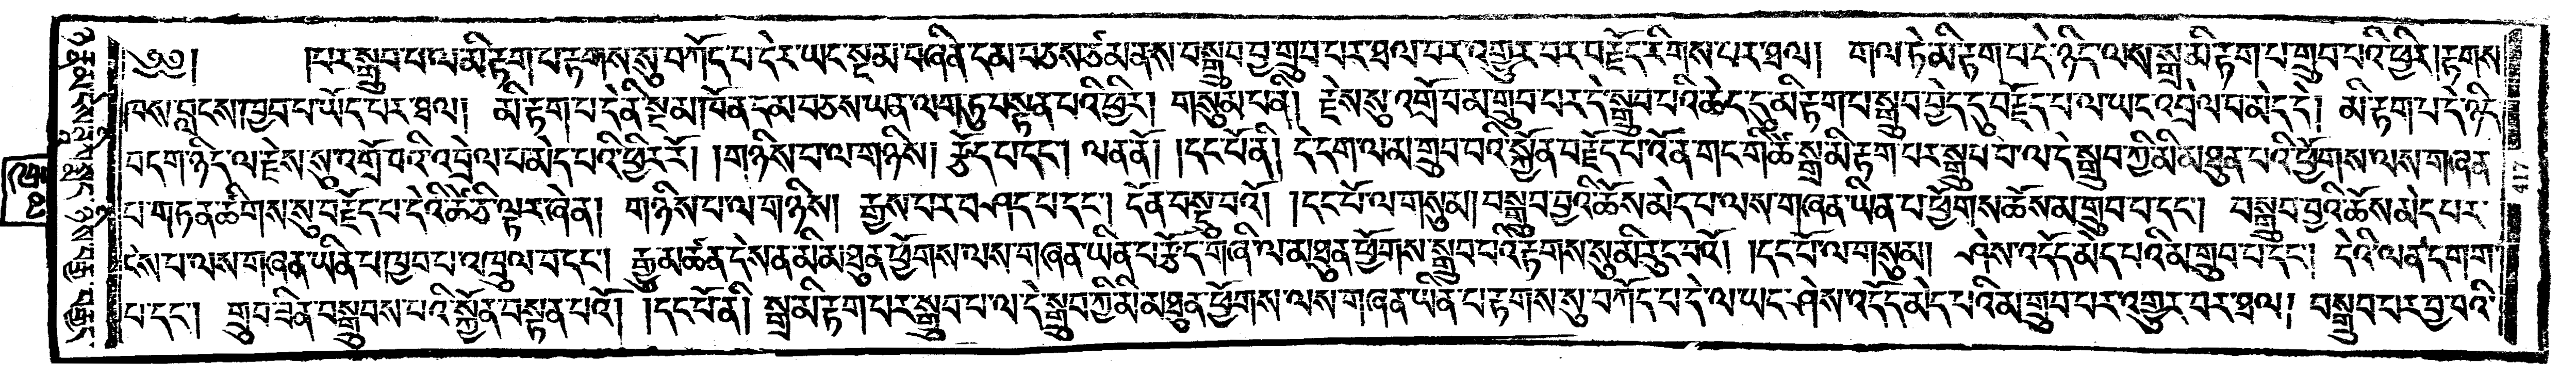༄༅། །པར་སྒྲུབ་པ་ལ་མི་རྟག་པ་རྟགས་སུ་བཀོད་པ་དེར་ཡང་སྔ་མ་བཞིན་དམ་བཅས་ཙམ་ནས་བསྒྲུབ་བྱ་གྲུབ་པར་ཐལ་པར་འགྱུར་བར་བརྗོད་རིགས་པར་ཐལ། གལ་ཏེ་མི་རྟག་པ་དེ་ཉིད་ལས་སྒྲ་མི་རྟག་པ་གྲུབ་པའི་ཕྱིར། རྟྒས་
ཁས་བླངས་ཁྱབ་པ་ཡོད་པར་ཐལ། མི་རྟག་པ་དེ་ནི་སྔ་མ་ཁོ་ན་དམ་བཅས་ཡན་ལག་ཏུ་བསྟན་པའི་ཕྱིར། གསུམ་པ་ནི། རྗེས་སུ་འགྲོ་བ་མ་གྲུབ་པར་དེ་སྒྲུབ་པའི་ཆེད་དུ་མི་རྟག་པ་སྒྲུབ་བྱེད་དུ་བརྗོད་པ་ལ་ཡང་འབྲེལ་བ་མེད་དེ། མི་རྟག་པ་དེ་ཉིད་
བདག་ཉིད་ལ་རྗེས་སུ་འགྲོ་བའི་འབྲེལ་པ་མེད་པའི་ཕྱིར་རོ། །གཉིས་པ་ལ་གཉིས། རྩོད་པ་དང་། ལན་ནོ། །དང་པོ་ནི། དེ་དག་ལ་མ་གྲུབ་བའི་སྐྱོན་བརྗོད་པ་འོ་ན་གང་གི་ཚེ་སྒྲ་མི་རྟག་པར་སྒྲུབ་པ་ལ་དེ་སྒྲུབ་ཀྱི་མི་མཐུན་པའི་ཕྱོགས་ལས་གཞན་
པ་གཏན་ཚིགས་སུ་བརྗོད་པ་དེའི་ཚེ་ཅི་ལྟར་ཞེ་ན། གཉིས་པ་ལ་གཉིས། རྒྱས་པར་བཤད་པ་དང་། དོན་བསྡུ་བའོ། །དང་པོ་ལ་གསུམ། བསྒྲུབ་བྱའི་ཆོས་མེད་པ་ལས་གཞན་ཡིན་པ་ཕྱོགས་ཆོས་མ་གྲུབ་པ་དང་། བསྒྲུབ་བྱའི་ཆོས་མེད་པར་
ངེས་པ་ལས་གཞན་ཡིན་པ་ཁྱབ་པ་འཁྲུལ་བ་དང་། རྒྱུ་མཚན་དེས་ན་མི་མཐུན་ཕྱོགས་ལས་གཞན་ཡིན་པ་རྩོད་གཞི་ལ་མཐུན་ཕྱོགས་སྒྲུབ་པའི་རྟགས་སུ་མི་རུང་བའོ། །དང་པོ་ལ་གསུམ། ཤེས་འདོད་མེད་པའི་མ་གྲུབ་པ་དང་། དེའི་ལན་དགག་
པ་དང་། གྲུབ་ཟིན་བསྒྲུབས་པའི་སྐྱོན་བསྟན་པའོ། །དང་པོ་ནི། སྒྲ་མི་རྟག་པར་སྒྲུབ་པ་ལ་དེ་སྒྲུབ་ཀྱི་མི་མཐུན་ཕྱོགས་ལས་གཞན་ཡིན་པ་རྟགས་སུ་བཀོད་པ་དེ་ལ་ཡང་ཤེས་འདོད་མེད་པའི་མ་གྲུབ་པར་འགྱུར་བར་ཐལ། བསྒྲུབ་པར་བྱ་བའི་